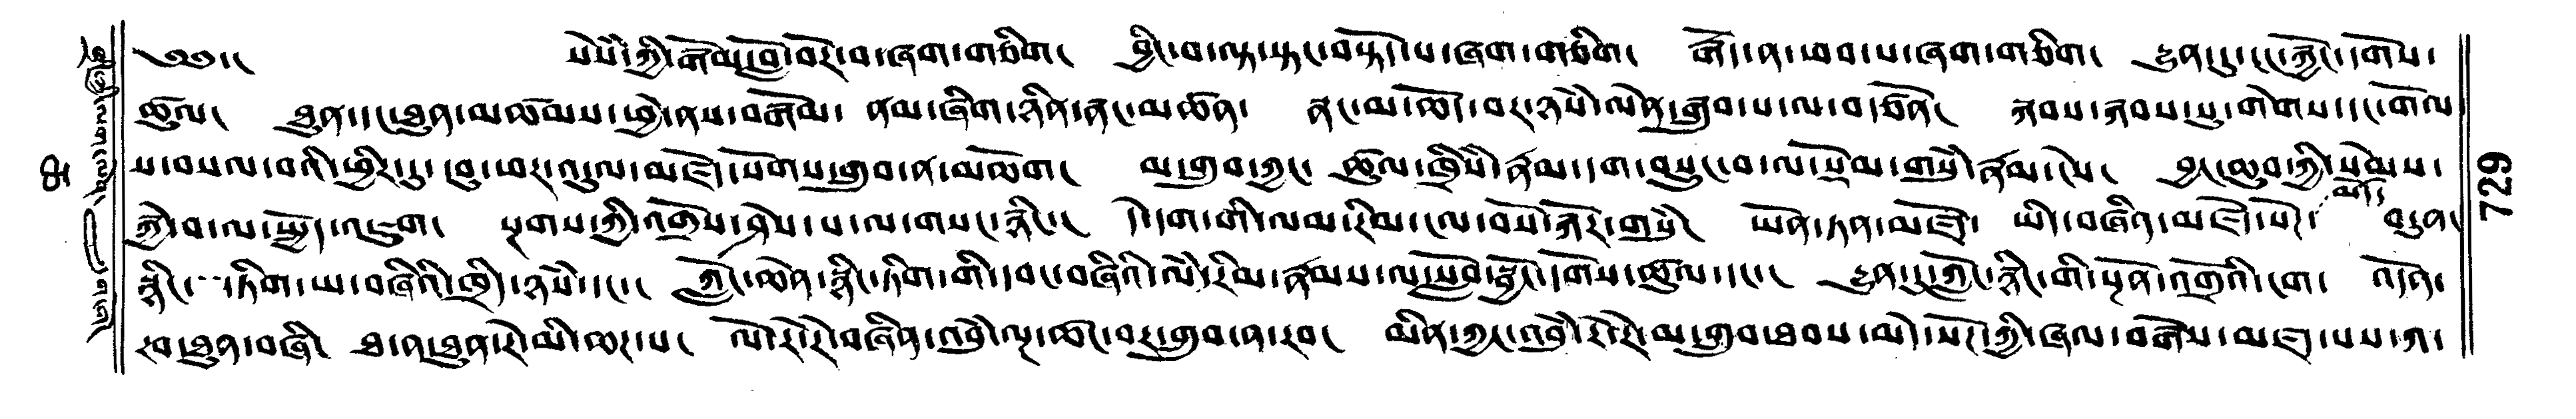སེམས་ཀྱི་སྒོམ་བློ་བོར་བ་ཞག་གཅིག བྱིང་བ་ལྟ་སྟངས་བསྟོད་པ་ཞག་གཅིག རྒོད་ན་ཕབ་པ་ཞག་གཅིག རྒྱུན་དུ་ངང་སྐྱོང་དགོས་
ཚུལ། ཐུན་དང་ཐུན་མཚམས་ཕྱེ་ནས་བསྒོམ། ནམ་ཞིག་ཉིན་སྣང་མཚན་སྣང་མ་ཆོད་བར་ཉམས་ལེན་སྒྲུབ་ས་ལ་བརྩོན། སྐབས་སྐབས་སུ་གེགས་དང་གོལ་
པ་བསལ་བའི་ཕྱིར་དུ་དབུ་ཕར་འདུལ་མཛོད་སོགས་གྲུབ་ན་མཆོག མ་གྲུབ་ཀྱང་ཚུལ་ཁྲིམས་རྣམ་དག་བསྲུང་བ་ལ་སྡོམ་གསུམ་རྣམ་ངེས། བྱང་ཆུབ་ཀྱི་སེམས་
སྐྱེ་བ་ལ་སྤྱོད་འཇུག སྔགས་ཀྱི་འགྲོས་ཤེས་པ་ལ་གསང་སྙིང་། དེ་དག་གི་ལམ་རིམ་ངལ་བསོ་སྐོར་གསུམ། ཡོན་ཏན་མཛོད། ཡིད་བཞིན་མཛོད་སོགས་མཛོད་བདུན་
སྙིང་ཏིག་ཡ་བཞིའི་ཁྲིད་ཉམས་དང་། ཀློང་ཆེན་སྙིང་ཐིག་གི་དབང་བཞིའི་ལམ་རིམ་རྣམས་ལ་སློབ་སྦྱོང་དགོས་ཚུལ་དང་། རྒྱུན་དུ་ཀློང་སྙིང་གི་སྔོན་འགྲོའི་ངག འདོན་
རབ་ཐུན་བཞི། ཐ་ན་ཐུན་རེ་མ་ཆག་པ། ལོ་རེ་རེ་བཞིན་འབུམ་ལྔ་ཚང་བར་གྲུབ་ན་རབ། མིན་ཀྱང་འབུམ་རེ་རེ་མ་གྲུབ་ཐབས་མེད་སོགས་ཀྱི་ཞལ་བསྒོས་མཛད་པས་ཀ་